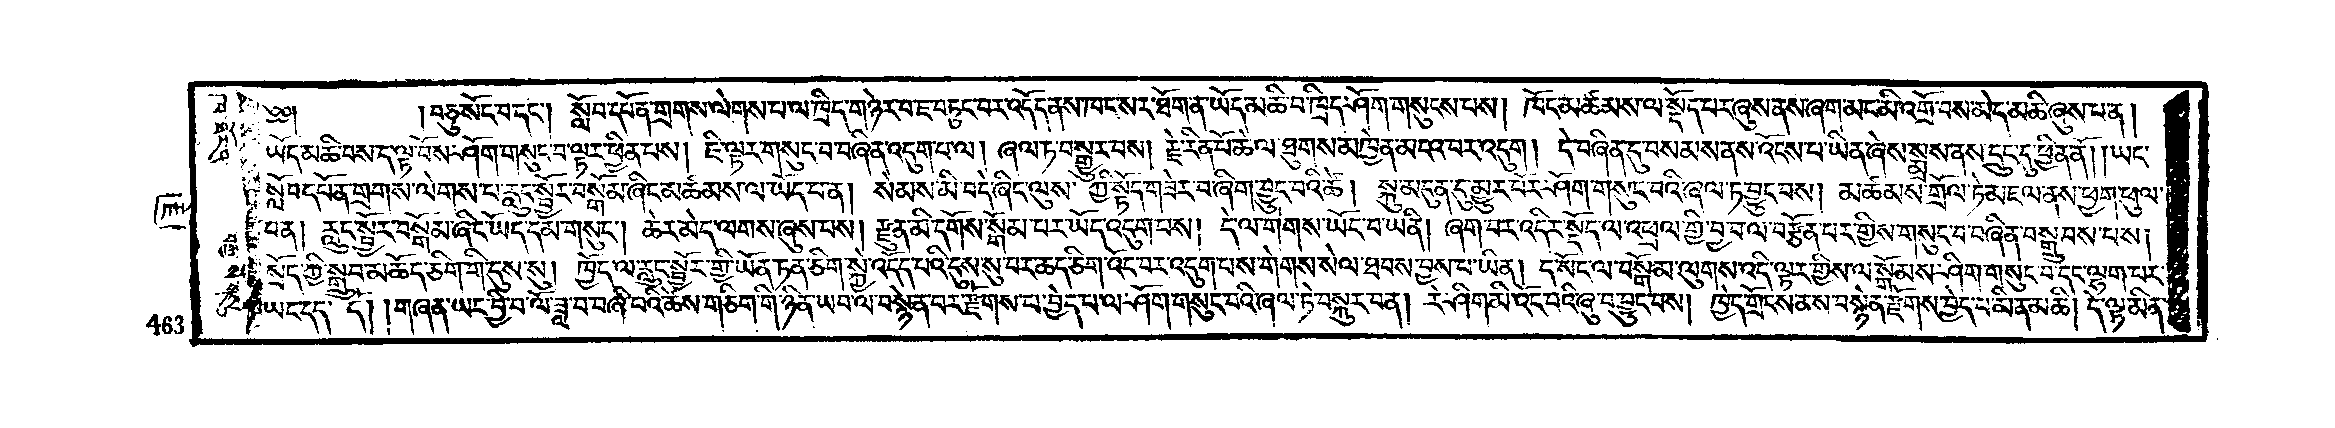༄༅། །བཅུ་སོང་བ་དང་། སློབ་དཔོན་གྲགས་ལེགས་པ་ལ་ཁྲིད་གཉེར་བ་ཇ་བཏུང་བར་འདོད་ནས་ཁང་སར་ཐོག་ན་ཡོད་མཆི་བ་ཁྲིད་ཤོག་གསུངས་པས། ཁོང་མཚམས་ལ་སྡོད་པར་ཞུས་ནས་ཞག་མང་མི་འགྲོ་བས་མེད་མཆི་ཞུས་པ་ན།
ཡོད་མཆི་བས་ད་ལྟ་བོས་ཤོག་གསུང་བ་ལྟར་ཕྱིན་པས། ཇི་ལྟར་གསུང་བ་བཞིན་འདུག་པ་ལ། ཞལ་ཏ་བསྒྱུར་བས། རྗེ་རིན་པོ་ཆེ་ལ་ཐུགས་མཁྱེན་མངའ་བར་འདུག། དེ་བཞིན་དུ་བསམས་ནས་འོངས་པ་ཡིན་ཞེས་སྨྲས་ནས་དྲུང་དུ་ཕྱིན་ནོ། །ཡང་
སློབ་དཔོན་གྲགས་ལེགས་པ་རླུང་སྦྱོར་བསྒོམ་ཞིང་མཚམས་ལ་ཡོད་པ་ན། སེམས་མི་བདེ་ཞིང་ལུས་ཀྱི་སྟོད་གཟེར་བ་ཞིག་བྱུང་བའི་ཚེ། སྐུ་མདུན་དུ་མྱུར་པོར་ཤོག་གསུང་བའི་ཞལ་ཏ་བྱུང་བས། མཚམས་གྲོལ་ཏེ་མཇལ་ནས་ཕྱག་ཕུལ་
བ་ན། རླུང་སྦྱོར་བསྒོམ་ཞིང་ཡོད་དམ་གསུང་། ཆེར་མེད་ལགས་ཞུས་པས། རྫུན་མི་དགོས་སྒོམ་པར་ཡོད་འདུག་པས། དེ་ལ་གེགས་ཡོང་བ་ཡིན། ཞག་བར་འདིར་སྡོད་ལ་འཕྲལ་གྱི་བྱ་བ་ལ་བརྩོན་པར་གྱིས་གསུང་བ་བཞིན་བསྒྲུབས་པས།
སྲོད་ཀྱི་སྒྲུབ་མཆོད་ཅིག་གི་དུས་སུ། ཁྱོད་ལ་རླུང་སྦྱོར་གྱི་ཡོན་ཏན་ཅིག་སྐྱེ་འདོད་པའི་དུས་སུ་བར་ཆད་ཅིག་འོང་བར་འདུག་པས་གེགས་སེལ་ཐབས་བྱས་པ་ཡིན། ད་སོང་ལ་བསྒོམ་ལུགས་འདི་ལྟར་གྱིས་ལ་སྒོམས་ཤིག་གསུང་བ་དང་ལྷག་པར་
ཡང་དད་དོ། །གཞན་ཡང་བྱི་བ་ལོ་ཟླ་བ་བཞི་པའི་ཆོས་གཅིག་གི་ཉིན་ཡབ་ལ་བསྙེན་པར་རྫོགས་པ་བྱེད་པ་ལ་ཤོག་གསུང་བའི་ཞལ་ཏ་བསྐུར་བ་ན། རེ་ཤིག་མི་འོང་བའི་ཞུ་བ་བྱུང་བས། ཁྱེད་གྲོངས་ནས་བསྙེན་རྫོགས་བྱེད་པ་མིན་མཆི། དེ་ལྟ་མིན་